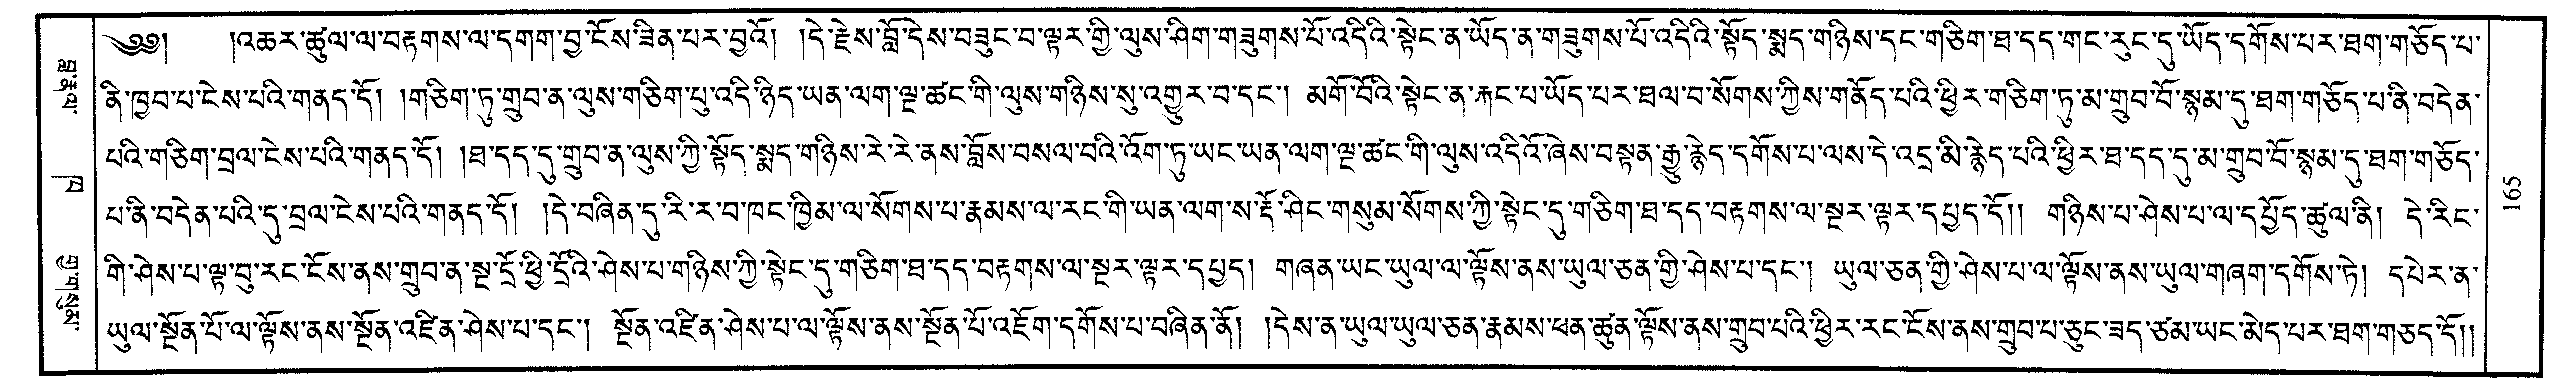༄༅། །འཆར་ཚུལ་ལ་བརྟགས་ལ་དགག་བྱ་ངོས་ཟིན་པར་བྱའོ། །དེ་རྗེས་བློ་དེས་བཟུང་བ་ལྟར་གྱི་ལུས་ཤིག་གཟུགས་པོ་འདིའི་སྟེང་ན་ཡོད་ན་གཟུགས་པོ་འདིའི་སྟོད་སྨད་གཉིས་དང་གཅིག་ཐ་དད་གང་རུང་དུ་ཡོད་དགོས་པར་ཐག་གཅོད་པ་
ནི་ཁྱབ་པ་ངེས་པའི་གནད་དོ། །གཅིག་ཏུ་གྲུབ་ན་ལུས་གཅིག་པུ་འདི་ཉིད་ཡན་ལག་ལྔ་ཚང་གི་ལུས་གཉིས་སུ་འགྱུར་བ་དང་། མགོ་བོའི་སྟེང་ན་རྐང་པ་ཡོད་པར་ཐལ་བ་སོགས་ཀྱིས་གནོད་པའི་ཕྱིར་གཅིག་ཏུ་མ་གྲུབ་བོ་སྙམ་དུ་ཐག་གཅོད་པ་ནི་བདེན་
པའི་གཅིག་བྲལ་ངེས་པའི་གནད་དོ། །ཐ་དད་དུ་གྲུབ་ན་ལུས་ཀྱི་སྟོད་སྨད་གཉིས་རེ་རེ་ནས་བློས་བསལ་བའི་འོག་ཏུ་ཡང་ཡན་ལག་ལྔ་ཚང་གི་ལུས་འདིའོ་ཞེས་བསྟན་རྒྱུ་རྙེད་དགོས་པ་ལས་དེ་འདྲ་མི་རྙེད་པའི་ཕྱིར་ཐ་དད་དུ་མ་གྲུབ་བོ་སྙམ་དུ་ཐག་གཅོད་
པ་ནི་བདེན་པའི་དུ་བྲལ་ངེས་པའི་གནད་དོ། །དེ་བཞིན་དུ་རི་ར་བ་ཁང་ཁྱིམ་ལ་སོགས་པ་རྣམས་ལ་རང་གི་ཡན་ལག་ས་རྡོ་ཤིང་གསུམ་སོགས་ཀྱི་སྟེང་དུ་གཅིག་ཐ་དད་བརྟགས་ལ་སྔར་ལྟར་དཔྱད་དོ།། གཉིས་པ་ཤེས་པ་ལ་དཔྱོད་ཚུལ་ནི། དེ་རིང་
གི་ཤེས་པ་ལྟ་བུ་རང་ངོས་ནས་གྲུབ་ན་སྔ་དྲོ་ཕྱི་དྲོའི་ཤེས་པ་གཉིས་ཀྱི་སྟེང་དུ་གཅིག་ཐ་དད་བརྟགས་ལ་སྔར་ལྟར་དཔྱད། གཞན་ཡང་ཡུལ་ལ་ལྟོས་ནས་ཡུལ་ཅན་གྱི་ཤེས་པ་དང་། ཡུལ་ཅན་གྱི་ཤེས་པ་ལ་ལྟོས་ནས་ཡུལ་གཞག་དགོས་ཏེ། དཔེར་ན་
ཡུལ་སྔོན་པོ་ལ་ལྟོས་ནས་སྔོན་འཛིན་ཤེས་པ་དང་། སྔོན་འཛིན་ཤེས་པ་ལ་ལྟོས་ནས་སྔོན་པོ་འཇོག་དགོས་པ་བཞིན་ནོ། །དེས་ན་ཡུལ་ཡུལ་ཅན་རྣམས་ཕན་ཚུན་ལྟོས་ནས་གྲུབ་པའི་ཕྱིར་རང་ངོས་ནས་གྲུབ་པ་ཅུང་ཟད་ཙམ་ཡང་མེད་པར་ཐག་གཅད་དོ།།